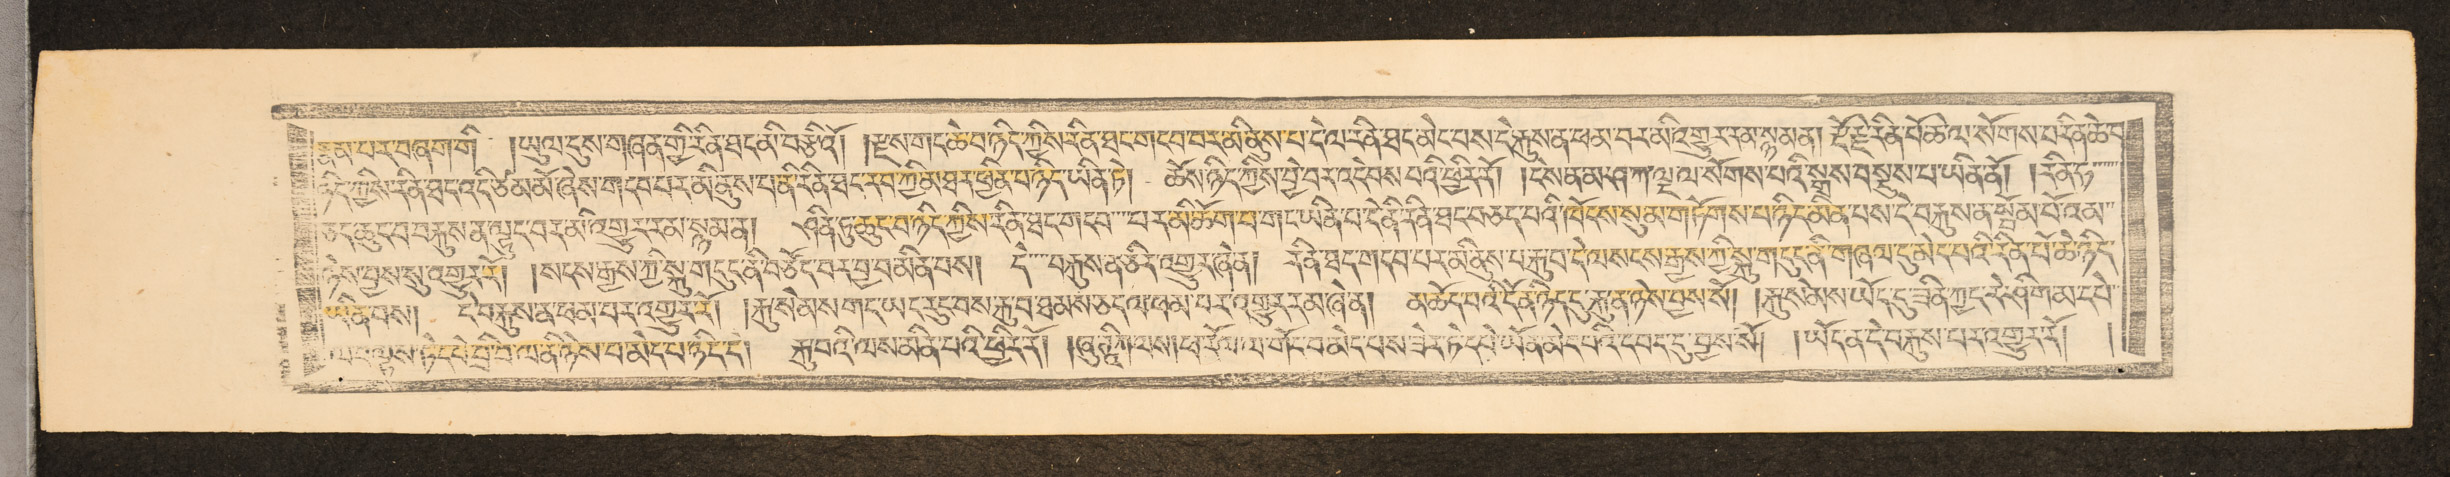རྣམ་པར་བཞག་གི །ཡུལ་དུས་གཞན་གྱི་རིན་ཐང་མི་བརྩིའོ། །རྫས་གང་ཆེ་བ་ཉིད་ཀྱིས་རིན་ཐང་གདབ་པར་མི་ནུས་པ་དེ་ལ་རིན་ཐང་མེད་པས་དེ་རྐུས་ན་ཕམ་པར་མི་འགྱུར་རམ་སྙམ་ན། རྡོ་རྗེ་རིན་པོ་ཆེ་ལ་སོགས་པ་རིན་ཆེ་བ་
ཉིད་ཀྱིས་རིན་ཐང་འདི་ཙམ་མོ་ཞེས་གདབ་པར་མི་ནུས་པ་ནི་རིན་ཐང་རབ་ཀྱི་མཐར་ཕྱིན་པ་ཉིད་ཡིན་ཏེ། ཆོས་ཉིད་ཀྱིས་བྱེ་བར་འདེབས་པའི་ཕྱིར་རོ། །དེས་ན་མ་ཤ་ཀ་ལྔ་ལ་སོགས་པའི་སྒྲས་བསྡུས་པ་ཡིན་ནོ། །རིན་ཧ་
ཅང་ཆུང་བ་བརྐུས་ན་ལྟུང་བར་མི་འགྱུར་རམ་སྙམ་ན། ཤིན་ཏུ་ཆུང་བ་ཉིད་ཀྱིས་རིན་ཐང་གདབ་པར་མི་ཆོག་པ་གང་ཡིན་པ་དེ་ནི་རིན་ཐང་བཅད་པའི་ཁོངས་སུ་མ་གཏོགས་པ་ཉིད་མིན་པས་དེ་བརྐུས་ན་སྦོམ་པོ་འམ་
ཉེས་བྱས་སུ་འགྱུར་རོ། །སངས་རྒྱས་ཀྱི་སྐུ་གདུང་ནི་བཙོང་བར་བྱ་པ་མིན་པས། དེ་བརྐུས་ན་ཅིར་འགྱུར་ཞེ་ན། རིན་ཐང་གདབ་པར་མི་ནུས་པ་རྐུ་བ་དེ་ལ་སངས་རྒྱས་ཀྱི་སྐུ་གདུང་ནི་གཞལ་དུ་མེད་པའི་རིན་པོ་ཆེ་ཉིད་
ཡིན་པས། དེ་བརྐུས་ན་ཕམ་པར་འགྱུར་རོ། །རྐུ་སེམས་གང་ཡང་རུང་བས་རྐུ་བ་ཐམས་ཅད་ལ་ཕམ་པར་འགྱུར་རམ་ཞེ་ན། མཆོད་པའི་དོན་ཉིད་དུ་རྐུ་ན་ཉེས་བྱས་སོ། །རྐུ་སེམས་ཡོད་དུ་ཟིན་ཀྱང་རེ་ཤིག་མ་དཔེ་
ལ་བལྟས་ཏེ་དཔེ་བྲི་བ་ལ་ནི་ཉེས་པ་མེད་པ་ཉིད་དེ། རྐུ་བའི་ལས་མིན་པའི་ཕྱིར་རོ། །ཞུ་ཊཱིཀ་ལས། ཕ་རོལ་ལ་གོད་པ་མེད་པས་ཟེར་ཏེ་དཔེ་ཡོན་མེད་པའི་དབང་དུ་བྱས་སོ། །ཡོད་ན་དེ་བརྐུས་པར་འགྱུར་རོ། །